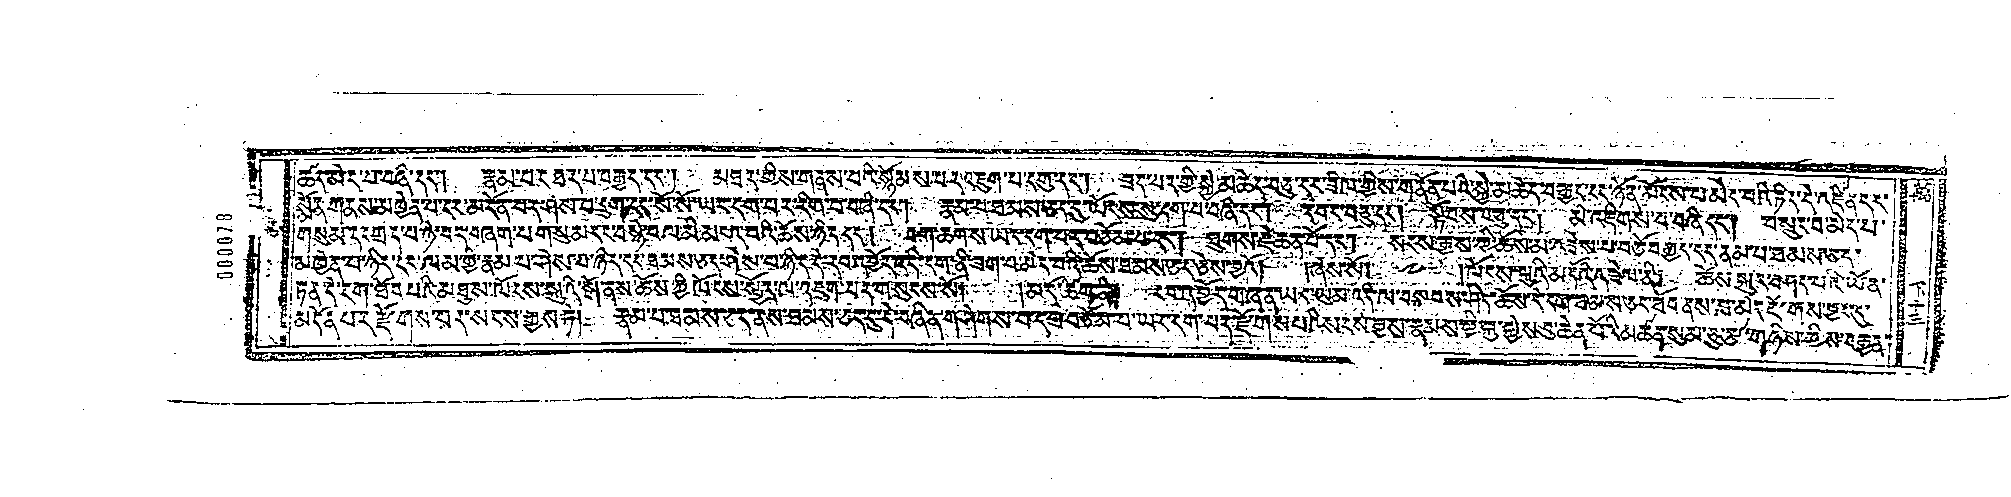ཚད་མེད་པ་བཞི་དང་། རྣམ་པར་ཐར་པ་བརྒྱད་དང་། མཐར་གྱིས་གནས་པའི་སྙོམས་པར་འཇུག་པ་དགུ་དང་། ཟད་པར་གྱི་སྐྱེ་མཆེད་བཅུ་དང་ཟིལ་གྱིས་གནོན་པའི་སྐྱེ་མཆེད་བརྒྱད་དང་ཉོན་མོངས་པ་མེད་པའི་ཏིང་ངེ་འཛིན་དང་
སྨོན་གནས་མཁྱེན་པ་དང་མངོན་པར་ཤེས་པ་དྲུག་དང་སོ་སོ་ཡང་དག་པར་རིག་པ་བཞི་དང་། རྣམ་པ་ཐམས་ཅད་དུ་ཡོངས་སུ་དག་པ་བཞི་དང་། དབང་བཅུ་དང་། སྟོབས་བཅུ་དང་། མི་འཇིགས་པ་བཞི་དང་། བསྲུང་བ་མེད་པ་
གསུམ་དང་གྲང་པ་ཉེ་བར་བཞག་པ་གསུམ་དང་བསྙེ་བ་ལ་མི་མངའ་བའི་ཆོས་ཉིད་དང་། བག་ཆགས་ཡང་དག་པར་བཅོམ་པ་དང་། ཐུགས་རྗེ་ཆེན་པོ་དང་། སངས་རྒྱས་ཀྱི་ཆོས་མ་འདྲེས་པ་བཅོ་བརྒྱད་དང་རྣམ་པ་ཐམས་ཅད་
མཁྱེན་པ་ཉིད་དང་ལམ་གྱི་རྣམ་པ་ཤེས་པ་ཉིད་དང་ཐམས་ཅད་ཤེས་པ་ཉིད་དེ་རབ་འབྱོར་འདི་དག་ནི་ཟག་པ་མེད་པའི་ཆོས་ཐམས་ཅད་ཅེས་བྱའོ། །ཞེས་སོ། ༧་།ལོངས་སྐུའི་མདོའི་འབྲེལ་ནི། ཆོས་སྐུར་བཤད་པའི་ཡོན་
ཏན་དེ་དག་ཐོབ་པའི་མཐུས་ལོངས་སྐུའི་སྒོ་ནས་ཆོས་ཀྱི་ལོངས་སྤྱོད་ལ་འཇུག་པར་གསུངས་སོ། །མདོ་ཚིག་ནི། རབ་འབྱོར་གཞན་ཡང་ཡུམ་འདི་ལ་བསླབས་ཤིང་ཆོས་དེ་དག་ཐམས་ཅད་ཐོབ་ནས་བླ་མེད་རྫོགས་བྱང་དུ་
མངོན་པར་རྫོགས་པར་སངས་རྒྱས་ཏེ། རྣམ་པ་ཐམས་ཅད་ནས་ཐམས་ཅད་དུ་དེ་བཞིན་གཤེགས་པ་དགྲ་བཅོམ་པ་ཡང་དག་པར་རྫོགས་པའི་སངས་རྒྱས་རྣམས་ཀྱི་སྐུ་སྐྱེས་བུ་ཆེན་པོའི་མཚན་སུམ་ཅུ་རྩ་གཉིས་ཀྱིས་བརྒྱན་